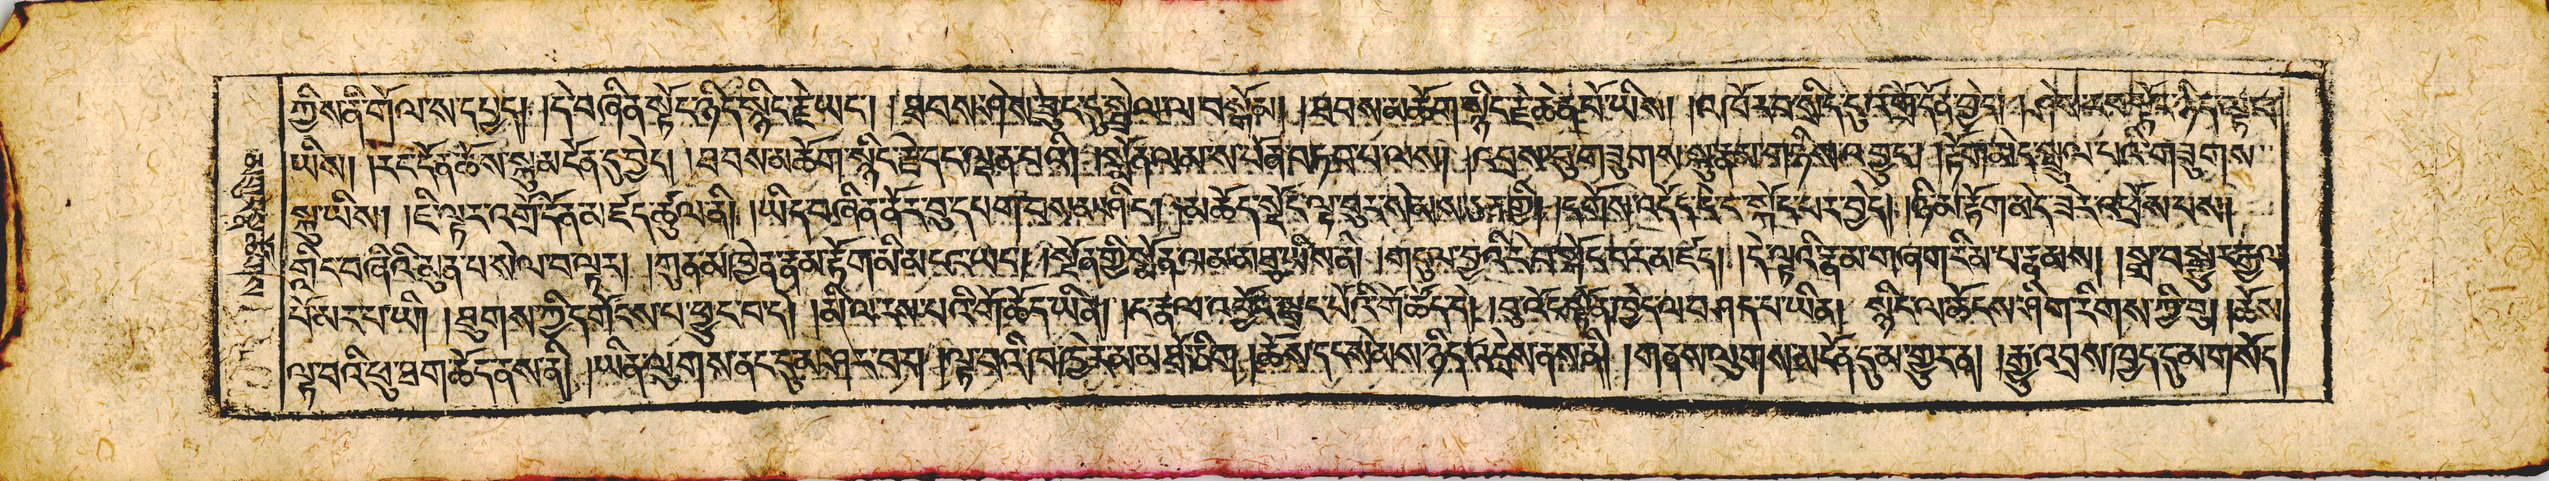ཀྱིས་ནི་གོལ་ས་དཔྱད། །དེ་བཞིན་སྟོང་ཉིད་སྙིང་རྗེ་ཡང་། །ཐབས་ཤེས་ཟུང་དུ་སྦྲེལ་ལ་བསྒོམ། །ཐབས་མཆོག་སྙིང་རྗེ་ཆེན་མོ་ཡིས། །འཁོར་བ་སྲིད་དུ་འགྲོ་དོན་བྱེད། །ཤེས་རབ་སྟོང་ཉིད་ལྟ་བ་
ཡིས། །རང་དོན་ཆོས་སྐུ་མངོན་དུ་བྱེད། །ཐབས་མཆོག་སྙིང་རྗེ་དང་ལྡན་པའི། །སྨོན་ལམ་ས་བོན་བཏབ་པ་ལས། འབྲས་བུ་གཟུགས་སྐུ་རྣམ་གཉིས་འབྱུང་། །རྟོག་མེད་སྤྲུལ་པའི་གཟུགས་
སྐུ་ཡིས། །ཇི་ལྟར་འགྲོ་དོན་མཛད་ཚུལ་ནི། །ཡིད་བཞིན་ནོར་བུ་དཔག་བསམ་ཤིང། །མཆོད་སྡོང་ལྟ་བུར་སེམས་ཅན་གྱི། །དགོས་འདོད་རེ་བ་སྐོང་བར་་བྱེད། །ཉི་མ་རྟོག་མེད་ཟེར་འཕྲོས་པས། །
གླིང་བཞིའི་མུན་པ་སེལ་བ་ལྟར། །ཀུན་མཁྱེན་རྣམ་རྟོག་མི་མངའ་ཡང་། །སྔོན་གྱི་སྨོན་ལམ་མཐུ་ཡིས་ནི། །གདུལ་བྱའི་རེ་བ་སྐོང་བར་མཛད། །དེ་ལྟའི་རྣམ་གཞག་རིམ་པ་རྣམས། །སྒྲ་བསྒྱུར་རྒྱལ་
པོ་མར་པ་ཡི། །ཐུགས་ཀྱི་དགོངས་པ་ཕྱུང་བ་དེ། །མི་ལ་རས་པའི་གོ་ཚོད་ཡིན། །ང་རྣལ་འབྱོར་སྤྲང་པོའི་གོ་ཚོད་དེ། །བུ་འོང་སྟོན་ཁྱོད་ལ་བཤད་པ་ཡིན། སྙིང་ལ་ཆོངས་ཤིག་རིགས་ཀྱི་བུ། །ཆོས་
ལྟ་བའི་ཕུ་ཐག་ཆོད་ནས་ནི། །ཡིན་ལུགས་ནང་དུ་མ་ཤར་བར། །ལྟ་བའི་ཁ་ཁྱེར་མ་མཐོ་ཅིག །ཆོས་དང་སེམས་ཉིད་འདྲེས་ནས་ནི། །གནས་ལུགས་མངོན་དུ་མ་གྱུར་ན། །རྒྱུ་འབྲས་ཁྱད་དུ་མ་གསོད་